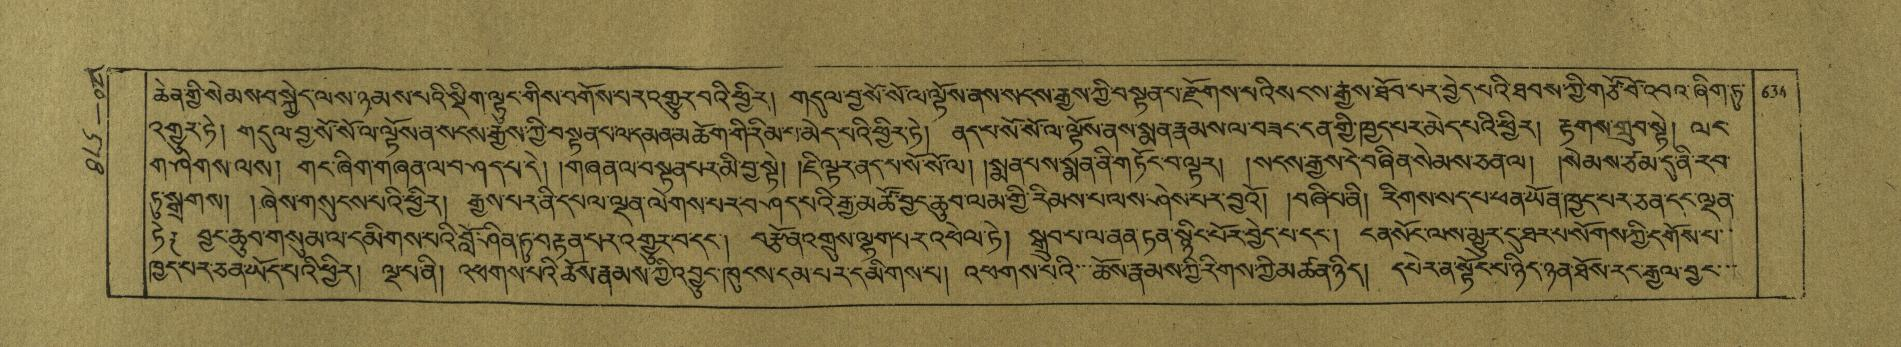ཆེན་གྱི་སེམས་བསྐྱེད་ལས་ཉམས་པའི་སྡིག་ལྟུང་གིས་བགོས་པར་འགྱུར་བའི་ཕྱིར། གདུལ་བྱ་སོ་སོ་ལ་ལྟོས་ནས་སངས་རྒྱས་ཀྱི་བསྟན་པ་རྫོགས་པའི་སངས་རྒྱས་ཐོབ་པར་བྱེད་པའི་ཐབས་ཀྱི་གཙོ་བོ་འབའ་ཞིག་ཏུ་
འགྱུར་ཏེ། གདུལ་བྱ་སོ་སོ་ལ་ལྟོས་ན་སངས་རྒྱས་ཀྱི་བསྟན་པ་ལ་དམན་མཆོག་གི་རིམ་པ་མེད་པའི་ཕྱིར་ཏེ། ནད་པ་སོ་སོ་ལ་ལྟོས་ནས་སྨན་རྣམས་ལ་བཟང་ངན་གྱི་ཁྱད་པར་མེད་པའི་ཕྱིར། རྟགས་གྲུབ་སྟེ། ལང་
གཤེགས་ལས། གང་ཞིག་གཞན་ལ་བཤད་པ་དེ། །གཞན་ལ་བསྟན་པར་མི་བྱ་སྟེ། །ཇི་ལྟར་ནད་པ་སོ་སོ་ལ། །སྨན་པས་སྨན་ནི་གཏོང་བ་ལྟར། །སངས་རྒྱས་དེ་བཞིན་སེམས་ཅན་ལ། །སེམས་ཙམ་དུ་ནི་རབ་
ཏུ་སྒྲགས། །ཞེས་གསུངས་པའི་ཕྱིར། རྒྱས་པར་ནི་དཔལ་ལྡན་ལེགས་པར་བཤད་པའི་རྒྱ་མཚོ་བྱང་ཆུབ་ལམ་གྱི་རིམས་པ་ལས་ཤེས་པར་བྱའོ། །བཞི་པ་ནི། རིགས་སད་པ་ཕན་ཡོན་ཁྱད་པར་ཅན་དང་ལྡན་
ཏེ༑ བྱང་ཆུབ་གསུམ་ལ་དམིགས་པའི་བློ་ཤིན་ཏུ་བརྟན་པར་འགྱུར་བ་དང་། བརྩོན་འགྲུས་ལྷག་པར་འཕེལ་ཏེ། སྒྲུབ་པ་ལ་ནན་ཏན་སྙིང་པོར་བྱེད་པ་དང་། ངན་སོང་ལས་མྱུར་དུ་ཐར་པ་སོགས་ཀྱི་དགོས་པ་
ཁྱད་པར་ཅན་ཡོད་པའི་ཕྱིར། ལྔ་པ་ནི། འཕགས་པའི་ཆོས་རྣམས་ཀྱི་འབྱུང་ཁུངས་དམ་པར་དམིགས་པ། འཕགས་པའི་ཆོས་རྣམས་ཀྱི་རིགས་ཀྱི་མཚན་ཉིད། དཔེར་ན་སྟོང་པ་ཉིད་ཉན་ཐོས་རང་རྒྱལ་བྱང་